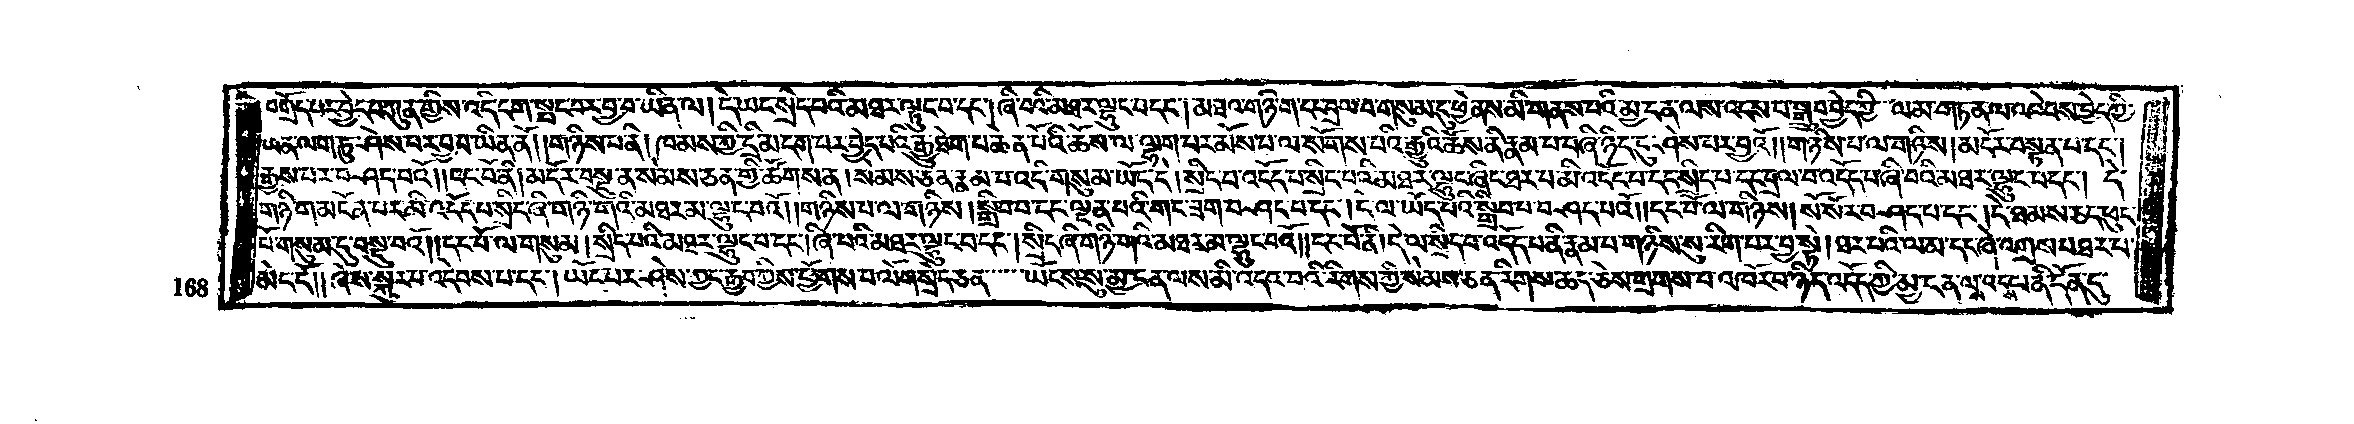བགྲོད་པར་བྱེད་པ་ཀུན་གྱིས་འདི་དག་སྤང་བར་བྱ་བ་ཡིན་ལ། དེ་ཡང་སྲེད་པའི་མཐར་ལྟུང་བ་དང་། ཞི་བའི་མཐར་ལྷུང་བ་དང་། མཐའ་གཉི་ག་དང་བྲལ་བ་གསུམ་དུ་ཕྱེ་ནས་མི་གནས་པའི་མྱ་ངན་ལས་འདས་པ་སྒྲུབ་བྱེད་ཀྱི་ལམ་གཏན་ལ་འབེབས་བྱེད་ཀྱི་
ཡན་ལག་ཏུ་ཤེས་པར་བྱ་བ་ཡིན་ནོ། །གཉིས་པ་ནི། ཁམས་ཀྱི་དྲི་མ་དག་པར་བྱེད་པའི་རྒྱུ་ཐེག་པ་ཆེན་པོའི་ཆོས་ལ་ལྷག་པར་མོས་པ་ལ་སོགས་པའི་རྒྱུའི་ཆོས་ནི་རྣམ་པ་བཞིན་ཉིད་དུ་ཤེས་པར་བྱའོ། །གཉིས་པ་ལ་གཉིས། མདོར་བསྟན་པ་དང་།
རྒྱས་པར་བཤད་པའོ། །དང་པོ་ནི། མདོར་བསྡུ་ན་སེམས་ཅན་གྱི་ཚོགས་ན། སེམས་ཅན་རྣམ་པ་འདི་གསུམ་ཡོད་དེ། སྲིད་པ་འདོད་པ་སྲིད་པའི་མཐར་ལྷུང་ཞིང་ཐར་པ་མི་འདོད་པ་དང་སྲིད་པ་དང་བྲལ་བ་འདོད་པ་ཞི་བའི་མཐར་ལྷུང་བ་དང་། དེ་
གཉི་ག་མངོན་པར་མི་འདོད་པ་སྲིད་ཞི་གཉི་གའི་མཐར་མ་ལྷུང་བའོ། །གཉིས་པ་ལ་གཉིས། སྒྲིབ་པ་དང་ལྡན་པའི་གང་ཟག་བཤད་པ་དང་། དེ་ལ་ཡོད་པའི་སྒྲིབ་པ་བཤད་པའོ། །དང་པོ་ལ་གཉིས། སོ་སོར་བཤད་པ་དང་། དེ་ཐམས་ཅད་ཕུང་
པོ་གསུམ་དུ་བསྡུ་བའོ། །དང་པོ་ལ་གསུམ། སྲིད་པའི་མཐར་ལྷུང་བ་དང་། ཞི་བའི་མཐར་ལྷུང་བ་དང་། སྲིད་ཞི་གཉི་གའི་མཐར་མ་ལྷུང་བའོ། །དང་པོ་ནི། དེ་ལ་སྲིད་པ་འདོད་པ་ནི་རྣམ་པ་གཉིས་སུ་རིག་པར་བྱ་སྟེ། ཐར་པའི་ལམ་དང་ཞེ་འགྲས་པ་ཐར་པ་
མེད་དོ། །ཞེས་སྐུར་བ་འདེབས་པ་དང་། ཡོད་པར་ཤེས་ཀྱང་རྒྱབ་ཀྱིས་ཕྱོགས་པ་ལོག་སྲིད་ཅན་ཡོངས་སུ་མྱ་ངན་ལས་མི་འདའ་བའི་རིགས་ཀྱི་སེམས་ཅན་རིགས་ཆད་ཅེས་གྲགས་པ་འཁོར་བ་ཉིད་འདོད་ཀྱི་མྱ་ངན་ལས་འདས་པ་ནི་དོན་དུ་